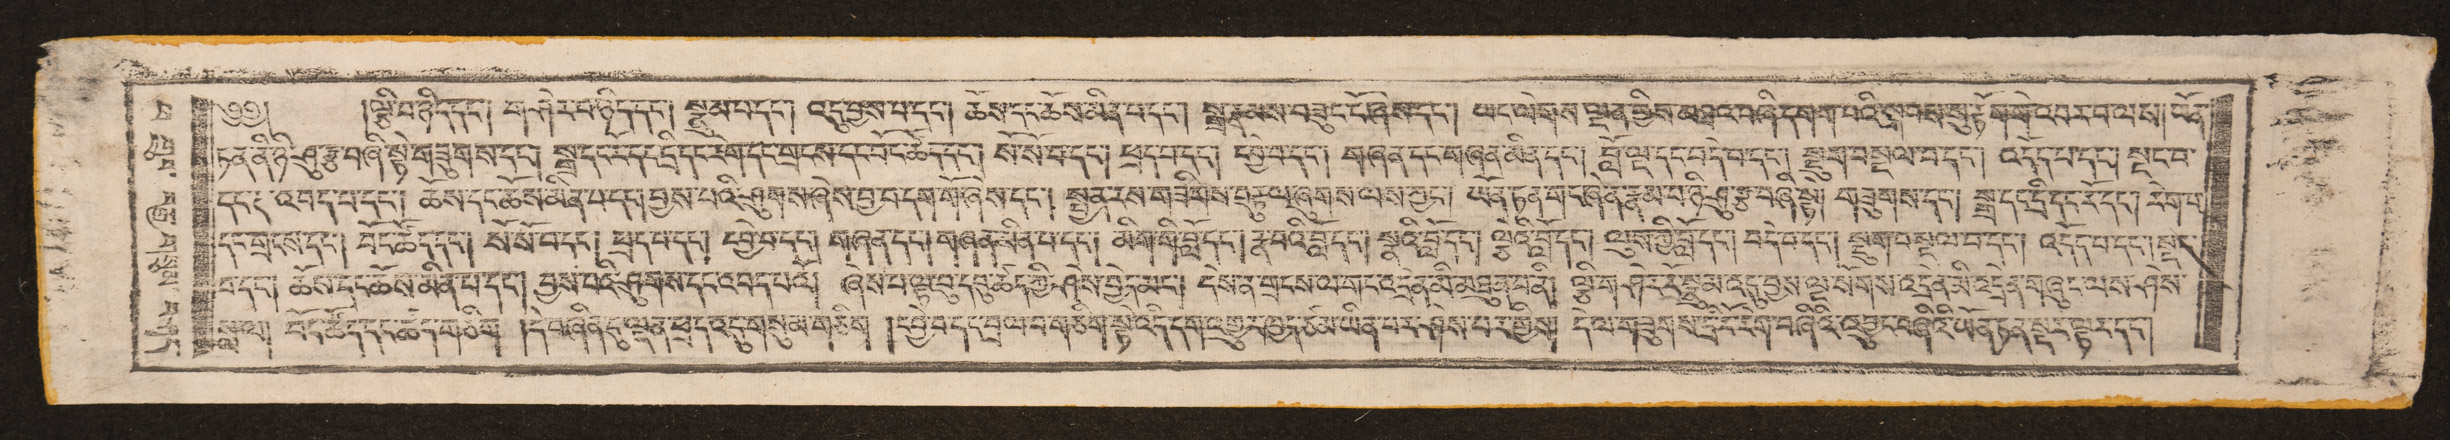༄༅། །ལྕི་བ་ཉིད་དང་། གཤེར་བ་ཉིད་དང་། སྣུམ་པ་དང་། འདུ་བྱས་པ་དང་། ཆོས་དང་ཆོས་མིན་པ་དང་། སྒྲ་རྣམས་བཟུང་ངོ་ཞེས་དང་། ཡང་ལེགས་ལྡན་གྱིས་མཐའ་བཞི་དགག་པའི་སྐབས་སུ་རྟོག་གེ་འབར་བ་ལས། ཡོན་
ཏན་ནི་ཉི་ཤུ་རྩ་བཞི་སྟེ་གཟུགས་དང་། སྒྲ་དང་རོ་དང་དྲི་དང་རེག་དང་གྲངས་དང་བོང་ཚོད་དང་། སོ་སོ་བ་དང་། ཕྲད་པ་དང་། དབྱེ་བ་དང་། གཞན་དང་གཞན་མིན་དང་། བློ་ལྔ་དང་བདེ་བ་དང་། སྡུག་བསྔལ་བ་དང་། འདོད་པ་དང་། སྡང་བ་
དང༑ འབད་པ་དང་། ཆོས་དང་ཆོས་མིན་པ་དང་། བྱས་པའི་ཤུགས་ཞེས་བྱ་བ་དག་གོ་ཞེས་དང་། སྤྱན་རས་གཟིགས་བ་རྟུལ་ཞུགས་ལས་ཀྱང་། ཡོན་ཏན་གང་ཞེ་ན་རྣམ་པ་ཉི་ཤུ་རྩ་བཞི་སྟེ། གཟུགས་དང་། སྒྲ་དང་དྲི་དང་རོ་དང་། རེག་པ་
དང་གྲངས་དང་། བོད་ཚོང་དང་། སོ་སོ་བ་དང་། ཕྲད་པ་དང་། དབྱེ་བ་དང་། གཞན་དང་། གཞན་མིན་བ་དང་། མིག་གི་བློ་དང་། རྣ་བའི་བློ་དང་། སྣའི་བློ་དང་། ལྕེའི་བློ་དང་། ལུས་ཀྱི་བློ་དང་། བདེ་བ་དང་། སྡུག་བསྔལ་བ་དང་། འདོད་པ་དང་། སྡང་
བ་དང་། ཆོས་དང་ཆོས་མིན་པ་དང་། བྱས་པའི་ཤུགས་དང་འབད་པའོ། ཞེས་པ་ལྟ་བུ་དབུ་ཚད་ཀྱི་ཤེས་བྱེད་མང་། དེས་ན་གྲངས་ལ་གང་འདྲེན་མི་མཐུན་པ་ནི། ལྕི་གཤེར་རོ་སྣུམ་འདུ་བྱས་ལྔ་སོགས་འདྲེན་མི་འདྲེན་གཞུང་ལས་ཤེས་
སླ་ལ། བོང་ཚོད་དང་ཚད་གཅིག །དེ་བཞིན་དུ་ལྡན་ཕྲད་འདུ་གསུམ་གཅིག །དབྱེ་བ་དང་བྲལ་བ་གཅིག་སྟེ་འདི་དག་འགྱུར་ཁྱད་ཙམ་ཡིན་པར་ཤེས་པར་གྱིས། དེ་ལ་གཟུགས་དྲི་རོ་རེག་བཞིའི་འབྱུང་བཞིའི་ཡོན་ཏན་སྔར་ལྟར་དང་།